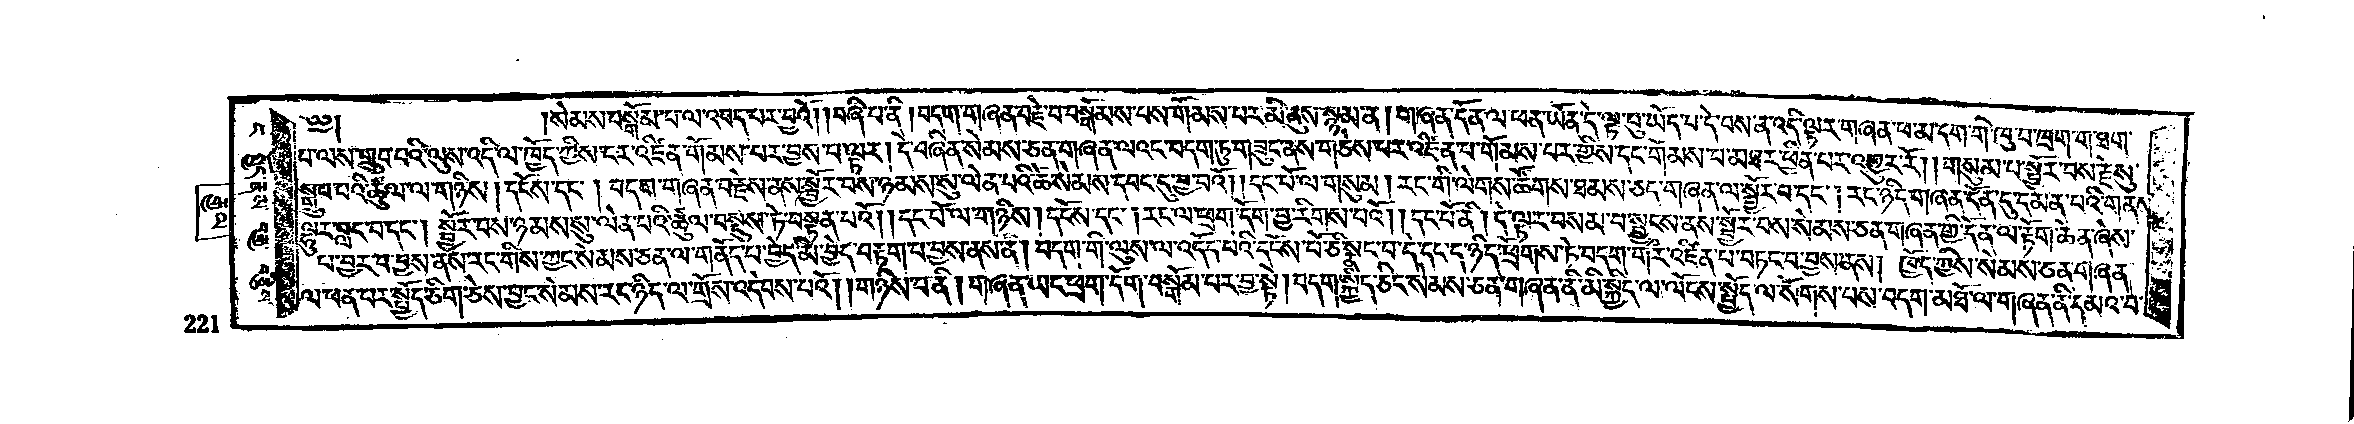༄༅། །སེམས་བསྒོམ་པ་ལ་འབད་པར་བྱའོ། །བཞི་པ་ནི། བཞག་གཞན་བརྗེ་པ་བསྒོམས་པས་གོམས་པར་མི་ནུས་སྙམ་ན། གཞན་དོན་ལ་ཕན་ཡོན་དེ་ལྟ་བུ་ཡོད་པ་དེ་བས་ན་འདི་ལྟར་གཞན་ཕ་མ་དག་གི་ཁུ་བ་ཁྲག་གི་ཐག་
པ་ལས་གྲུབ་པའི་ལུས་འདི་ལ་ཁྱོད་ཀྱིས་ངར་འཛིན་གོམས་པར་བྱས་པ་ལྟར། དེ་བཞིན་སེམས་ཅན་གཞན་ལའང་བདག་ཏུ་གཟུང་ནས་གཅེས་པར་འཛིན་པ་གོམས་པར་གྱིས་དང་གོམས་པ་མཐར་ཕྱིན་པར་འགྱུར་རོ། །གསུམ་པ་སྦྱོར་བས་རྗེས་སུ་
སྒྲུབ་པའི་ཚུལ་ལ་གཉིས། དངོས་དང་། བདག་གཞན་བྲེས་ནས་སྦྱོར་བས་ཉམས་སུ་ལེན་པའི་ཚེ་སེམས་དབང་དུ་བྱ་བའོ། །དང་པོ་ལ་གསུམ། རང་གི་ལེགས་ཚོགས་ཐམས་ཅད་གཞན་ལ་སྦྱོར་བ་དང་། རང་ཉིད་གཞན་དོན་དུ་དམན་པའི་གནས་
ལྷུར་བླང་བ་དང་། སྦྱོར་བས་ཉམས་སུ་ལེན་པའི་ཚུལ་བསྡུས་ཏེ་བསྟན་པའོ། །དང་པོ་ལ་གཉིས། དངོས་དང་། རང་ལ་ཕྲག་དོག་བྱ་རིགས་པའོ། །དང་པོ་ནི། དེ་ལྟར་བསམ་པ་སྦྱངས་ནས་སྦྱོར་བས་སེམས་ཅན་གཞན་གྱི་དོན་ལ་རྟོག་ཆེན་ཞེས་
པ་བྱར་བ་བྱས་ནས་རང་གིས་ཀྱང་སེམས་ཅན་ལ་གནོད་པ་བྱེད་མི་བྱེད་བརྟག་པ་བྱས་ནས་ནི། བདག་གི་ལུས་ལ་འདོད་པའི་དངོས་པོ་ཅི་སྣང་བ་དེ་དང་དེ་ཉིད་ཕྲོགས་ཏེ་བདག་གིར་འཛིན་པ་བཏང་བ་བྱས་ནས། ཁྱོད་ཀྱིས་སེམས་ཅན་གཞན་
ལ་ཕན་པར་སྤྱོད་ཅིག་བྱང་སེམས་རང་ཉིད་ལ་གྲོས་འདེབས་པའོ། །གཉིས་པ་ནི། གཞན་ཡང་ཕྲག་དོག་བསྒོམ་པར་བྱ་སྟེ། བདག་སྐྱིདྕིང་སེམས་ཅན་གཞན་ནི་མི་སྐྱིདླ་ལོངས་སྤྱོད་ལ་སོགས་པས་བདག་མཐོ་ལ་གཞན་ནི་དམའ་བ་